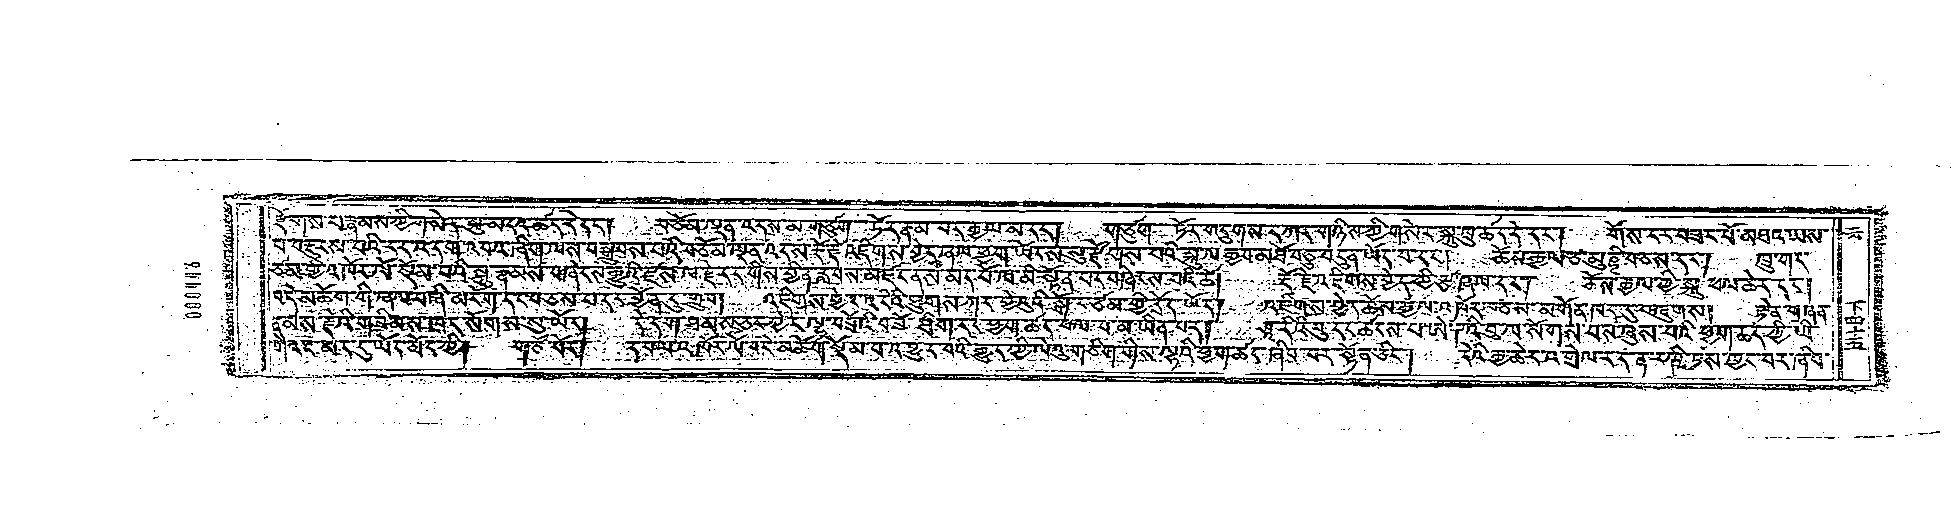རྫོགས་པ་རྣམས་ཀྱི་གསེར་སྐུ་མངའ་ཚད་རེ་དང་། བཅོམ་ལྡན་འདས་མ་གཙུག་ཏོར་རྣམ་པར་རྒྱལ་མ་དང་། གཙུག་ཏོར་གདུགས་དཀར་གཉིས་ཀྱི་གསེར་སྐུ་ཁྲུ་ཚད་རེ་དང་། གོས་ངར་བཟང་པོ་མཐའ་ཡས་
པ་བརྡུངས་བའི་དར་འདག་འབའ་ཞིག་ལས་བསྒྲུབས་པའི་བཅོམ་ལྡན་འདས་རྡོ་རྗེ་འཇིགས་བྱེད་ཞལ་ཕྱག་ཡོངས་སུ་རྫོགས་བའི་སྐུ་ལ་རྒྱབ་མཐོ་བཅུ་བདུན་ཡོད་པ་དང་། ཆོས་རྒྱལ་ཙ་མུཎྚི་བཅས་དང་། ཁྲུ་གང་
ཙམ་གྱི་འཁོར་ལོ་སྡོམ་བའི་སྐུ་རྣམས་བཞེངས་རྒྱུའི་རྫས་ལ་རྗེ་རང་གིས་བྱིན་རླབས་མཛད་ནས་མང་པོ་ལ་མི་སྟོན་པར་བཞེངས་པའི་ཚེ། རྡོ་རྗེའི་འཇིགས་བྱེད་ཀྱི་རྩ་ཞལ་དང་། ཆོས་རྒྱལ་གྱི་སྐུ་ཕལ་ཆེར་དང་།
བདེ་མཆོག་གི་ཞལ་བཞི་མདོག་དང་བཅས་པ་རང་བྱོན་དུ་གྲུབ། འཇིགས་བྱེད་འདིའི་ཐུགས་ཀར་བྱེའུའི་སྒོ་ང་ཙམ་གྱི་དྲོད་ཡོད། འཇིགས་བྱེད་ཆོས་རྒྱལ་འཁོར་བཅས་མགོན་ཁར་དུ་བཞུགས། རྟེན་གཞན་
རྣམས་རྗེའི་གཟིམས་ཁང་སོགས་སུ་ཡོད། དེ་དག་ཐམས་ཅད་ཀྱི་ང་ལྷ་བཟོའི་བཟོ་ཐིག་དང་ཕྱག་ཚད་པལ་པ་མ་ཡིན་པར། ཤཱ་རིའི་བུ་དང་ཚངས་པ་ཨེ་ཌའི་བུ་ལ་སོགས་བས་ཞུས་པའི་ཕྱག་ཚད་ཀྱི་ཡི་
གེའང་མང་དུ་ཡོད་མོད་ཀྱི། གཙོ་བོར། དཔལ་འཁོར་ལོ་བདེ་མཆོག་སྡོམ་བ་འབྱུང་བའི་རྒྱུད་ཀྱི་ལེའུ་གཅིག་གིས་ལྷའི་ཕྱག་ཚད་ཞིབ་པར་སྟོན་ཅིང་། དེའི་རྒྱ་ཆེར་འགྲེལ་རང་ན་རཀྵི་ཏས་ཀྱང་བར་ཞིབ་